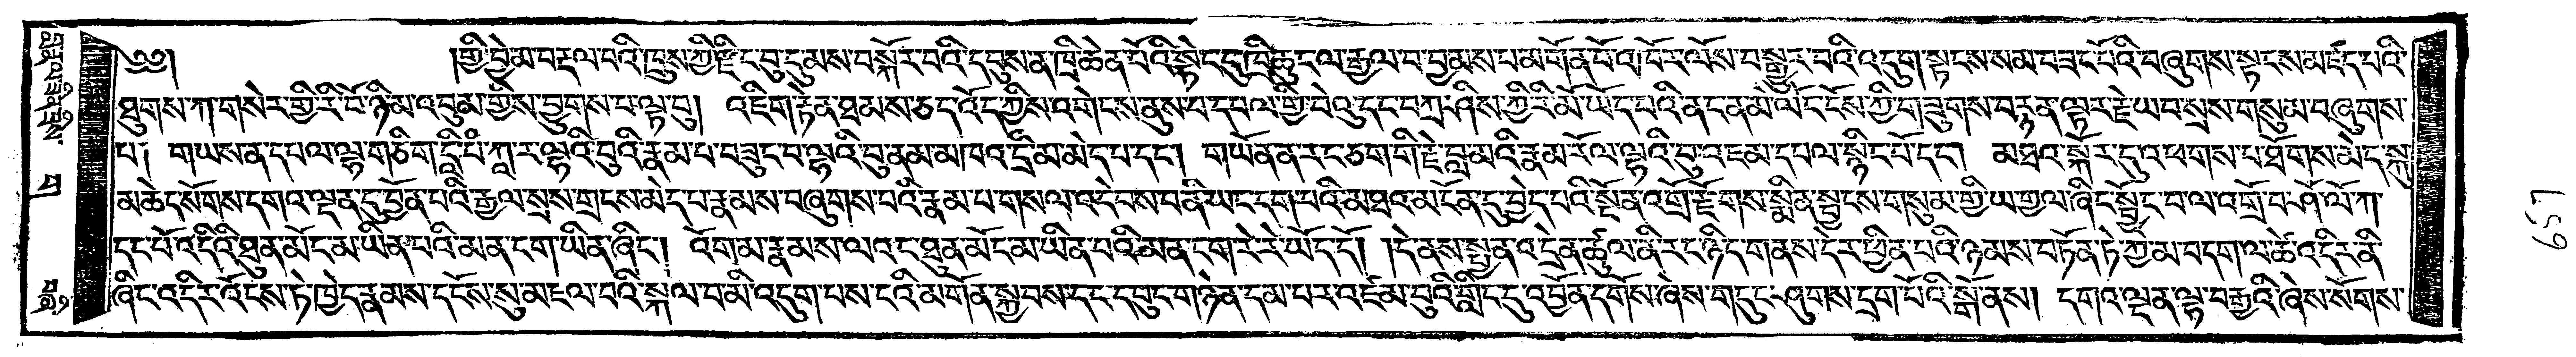༄༅། །གྱི་བྱེ་མ་བརྡལ་བའི་ཁྲུས་ཀྱི་རྫིང་བུ་དུ་མས་བསྐོར་བའི་དབུས་ན་ཁྲི་ཆེན་པོའི་སྟེང་དུ་ཁྲི་ཆུང་ལ་རྒྱལ་བ་བྱམས་པ་མགོན་པོ་འཁོར་ལོས་བསྒྱུར་བའི་འདུག་སྟངས་སམ་བཟང་པོའི་བཞུགས་སྟངས་མཛད་པའི་
ཐུགས་ཀ་གསེར་གྱི་རི་བོ་ཉི་མ་འབུམ་གྱིས་བྱུགས་པ་ལྟ་བུ། འཇིག་རྟེན་ཐམས་ཅད་འོད་ཀྱིས་འགེངས་ནུས་པ་དཔལ་གྱི་བེའུ་དང་བཀྲ་ཤིས་ཀྱི་རི་མོ་ཡོད་པའི་ནང་ན་མེ་ལོང་ངོས་ཀྱི་གཟུགས་བརྙན་ལྟར་རྗེ་ཡབ་བསྲས་གསུམ་བཞུགས་
པ༑ གཡས་ན་དཔལ་ལྷ་གཅིག་དླི་པཾ་ཀླ་ར་ལྷའི་བུའི་རྣམ་པ་བཟུང་བ་ལྷའི་བུ་ནམ་མཁའ་དྲི་མ་མེད་པ་དང་། གཡོན་ན་རང་ཅག་གི་རྗེ་བླ་མའི་རྣམ་རོལ་ལྷའི་བུ་འཇམ་དཔལ་སྙིང་པོ་དང་། མཐའ་སྐོར་དུ་འཕགས་པ་ཐོགས་མེད་སྐུ་
མཆེད་སོགས་དགའ་ལྡན་དུ་བྱོན་པའི་རྒྱལ་སྲས་གྲངས་མེད་པ་རྣམས་བཞུགས་པའི་རྣམ་པ་གསལ་འདེབས་པ་ནི་ཡང་དག་པའི་མཐའ་མངོན་དུ་བྱེད་པའི་སྔོན་འགྲོ་རྫོགས་སྨིན་སྦྱངས་གསུམ་གྱི་ཡ་གྱལ་ཞིང་སྦྱོང་བ་ལ་འགྲོ་བ་ཤོ་ལོ་ཀ་
དང་པོ་འདིའི་ཐུན་མོང་མ་ཡིན་པའི་མན་ངག་ཡིན་ཞིང་། འོག་མ་རྣམས་ལའང་ཐུན་མོང་མ་ཡིན་པའི་མན་ངག་རེ་རེ་ཡོད་དོ། །དེ་ནས་སྤྱན་འདྲེན་ཚུལ་ནི་རང་ཉིད་གནས་དེར་ཕྱིན་པའི་ཉམས་བཏོན་ཏེ་ཀྱེ་མ་བདག་ལ་ཚེ་འདིར་ནི་
ཞིང་འདིར་འོངས་ཏེ་ཁྱེད་རྣམས་དངོས་སུ་མཇལ་བའི་སྐལ་བ་མི་འདུག་པས་ངའི་མགོན་སྐྱབས་དང་དཔུང་གཉེན་དམ་པར་འཛམ་བུའི་གླིང་དུ་འབྱོན་དགོས་ཞེས་གདུང་ཤུགས་དྲག་པོའི་སྒོ་ནས། དགའ་ལྡན་ལྷ་བརྒྱའི་ཞེས་སོགས་